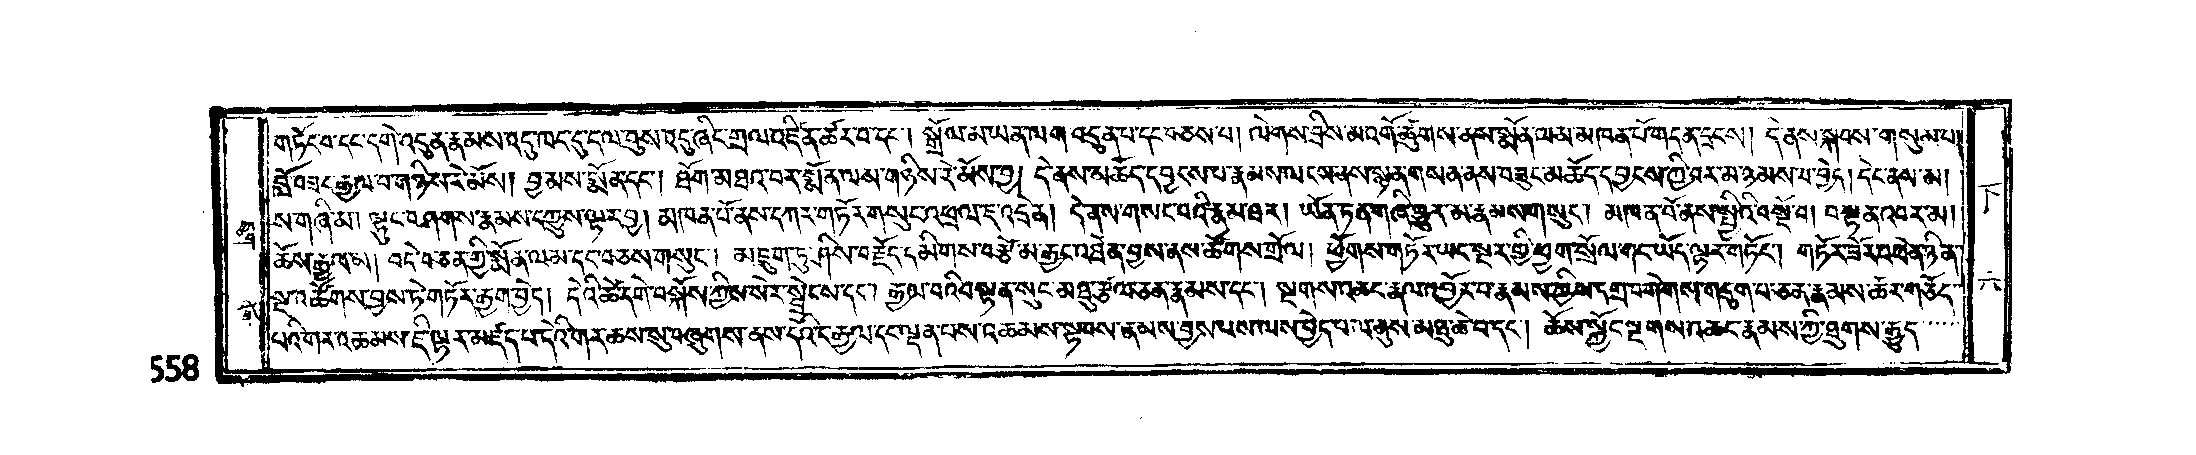གཏོང་བ་དང་དགེ་འདུན་རྣམས་འདུ་ཁང་དུ་དལ་བུས་འདུ་ཞིང་གྲལ་འཛིན་ཚར་བ་དང་། སྒྲོལ་མ་ཡན་ལག་བདུན་པ་དང་བཅས་པ། ལེགས་བྲིས་མ་འགོ་ཚུགས་ནས་སྨོན་ལམ་མཁན་པོ་གདན་དྲངས། དེ་ནས་སྐབས་གསུམ་པ་
བློ་བཟང་རྒྱལ་བ་གཉིས་རེ་མོས། བྱམས་སྨོན་དང་། ཐོག་མཐའ་བར་སྨོན་ལམ་གཉིས་རེ་མོས་བྱ། དེ་ནས་མཆོད་དབྱངས་པ་རྣམས་ལངས་ནས་སྙན་གསན་ནས་བཟུང་མཆོད་དབྱངས་ཀྱི་བར་མ་ཉམས་པ་བྱེད། དེང་ནས་མ།
ས་གཞི་མ། ལྟུང་བཤགས་རྣམས་དཀྱུས་ལྟར་བྱ། མཁན་པོ་ནས་དཀར་གཏོར་གསུང་འཕྲལ་ཇ་འདྲེན། དེ་ནས་གསང་བའི་རྣམ་ཐར། ཡོན་ཏན་གཞི་གྱུར་མ་རྣམས་གསུང་། མཁན་པོ་ནས་སྤྱིའི་བསྔོ་བ། བསྟན་འབར་མ།
ཆོས་རྒྱལ་མ། བདེ་བ་ཅན་གྱི་སྨོན་ལམ་དང་བཅས་གསུང་། མཇུག་ཏུ་ཤིས་བརྗོད་དམིགས་བརྩེ་མ་རྒྱང་འཐེན་བྱས་ནས་ཚོགས་གྲོལ། ཕྱོགས་གཏོར་ཡང་སྔར་གྱི་ཕྱག་སྲོལ་གང་ཡོད་ལྟར་གཏོང་། གཏོར་ཟོར་འཕེན་ཉིན་
སྔ་འཚོགས་བྱས་ཏེ་གཏོར་རྒྱག་བྱེད། དེའི་ཚེ་དགེ་བསྐོས་ཀྱིས་སེར་སྤྲེངས་དང་། རྒྱལ་བའི་བསྟན་སུང་མཐུ་རྩལ་ཅན་རྣམས་དང་། སྔགས་འཆང་རྣལ་འབྱོར་པ་རྣམས་ཀྱིས་དགྲ་བགེགས་གདུག་པ་ཅན་རྣམས་ཚར་གཅོད་
པའི་གར་འཆམས་ཇི་ལྟར་མཛད་པ་དེའི་གར་ཆས་སུ་བཞུགས་ནས་དེའི་ང་རྒྱལ་དང་ལྡན་པས་འཆམས་སྟབས་རྣམས་བྱས་པས་ལས་བྱེད་པ་ལ་ནུས་མཐུ་ཆེ་བ་དང་། ཆོས་སྐྱོང་སྔགས་འཆང་རྣམས་ཀྱི་ཐུགས་རྒྱུད་